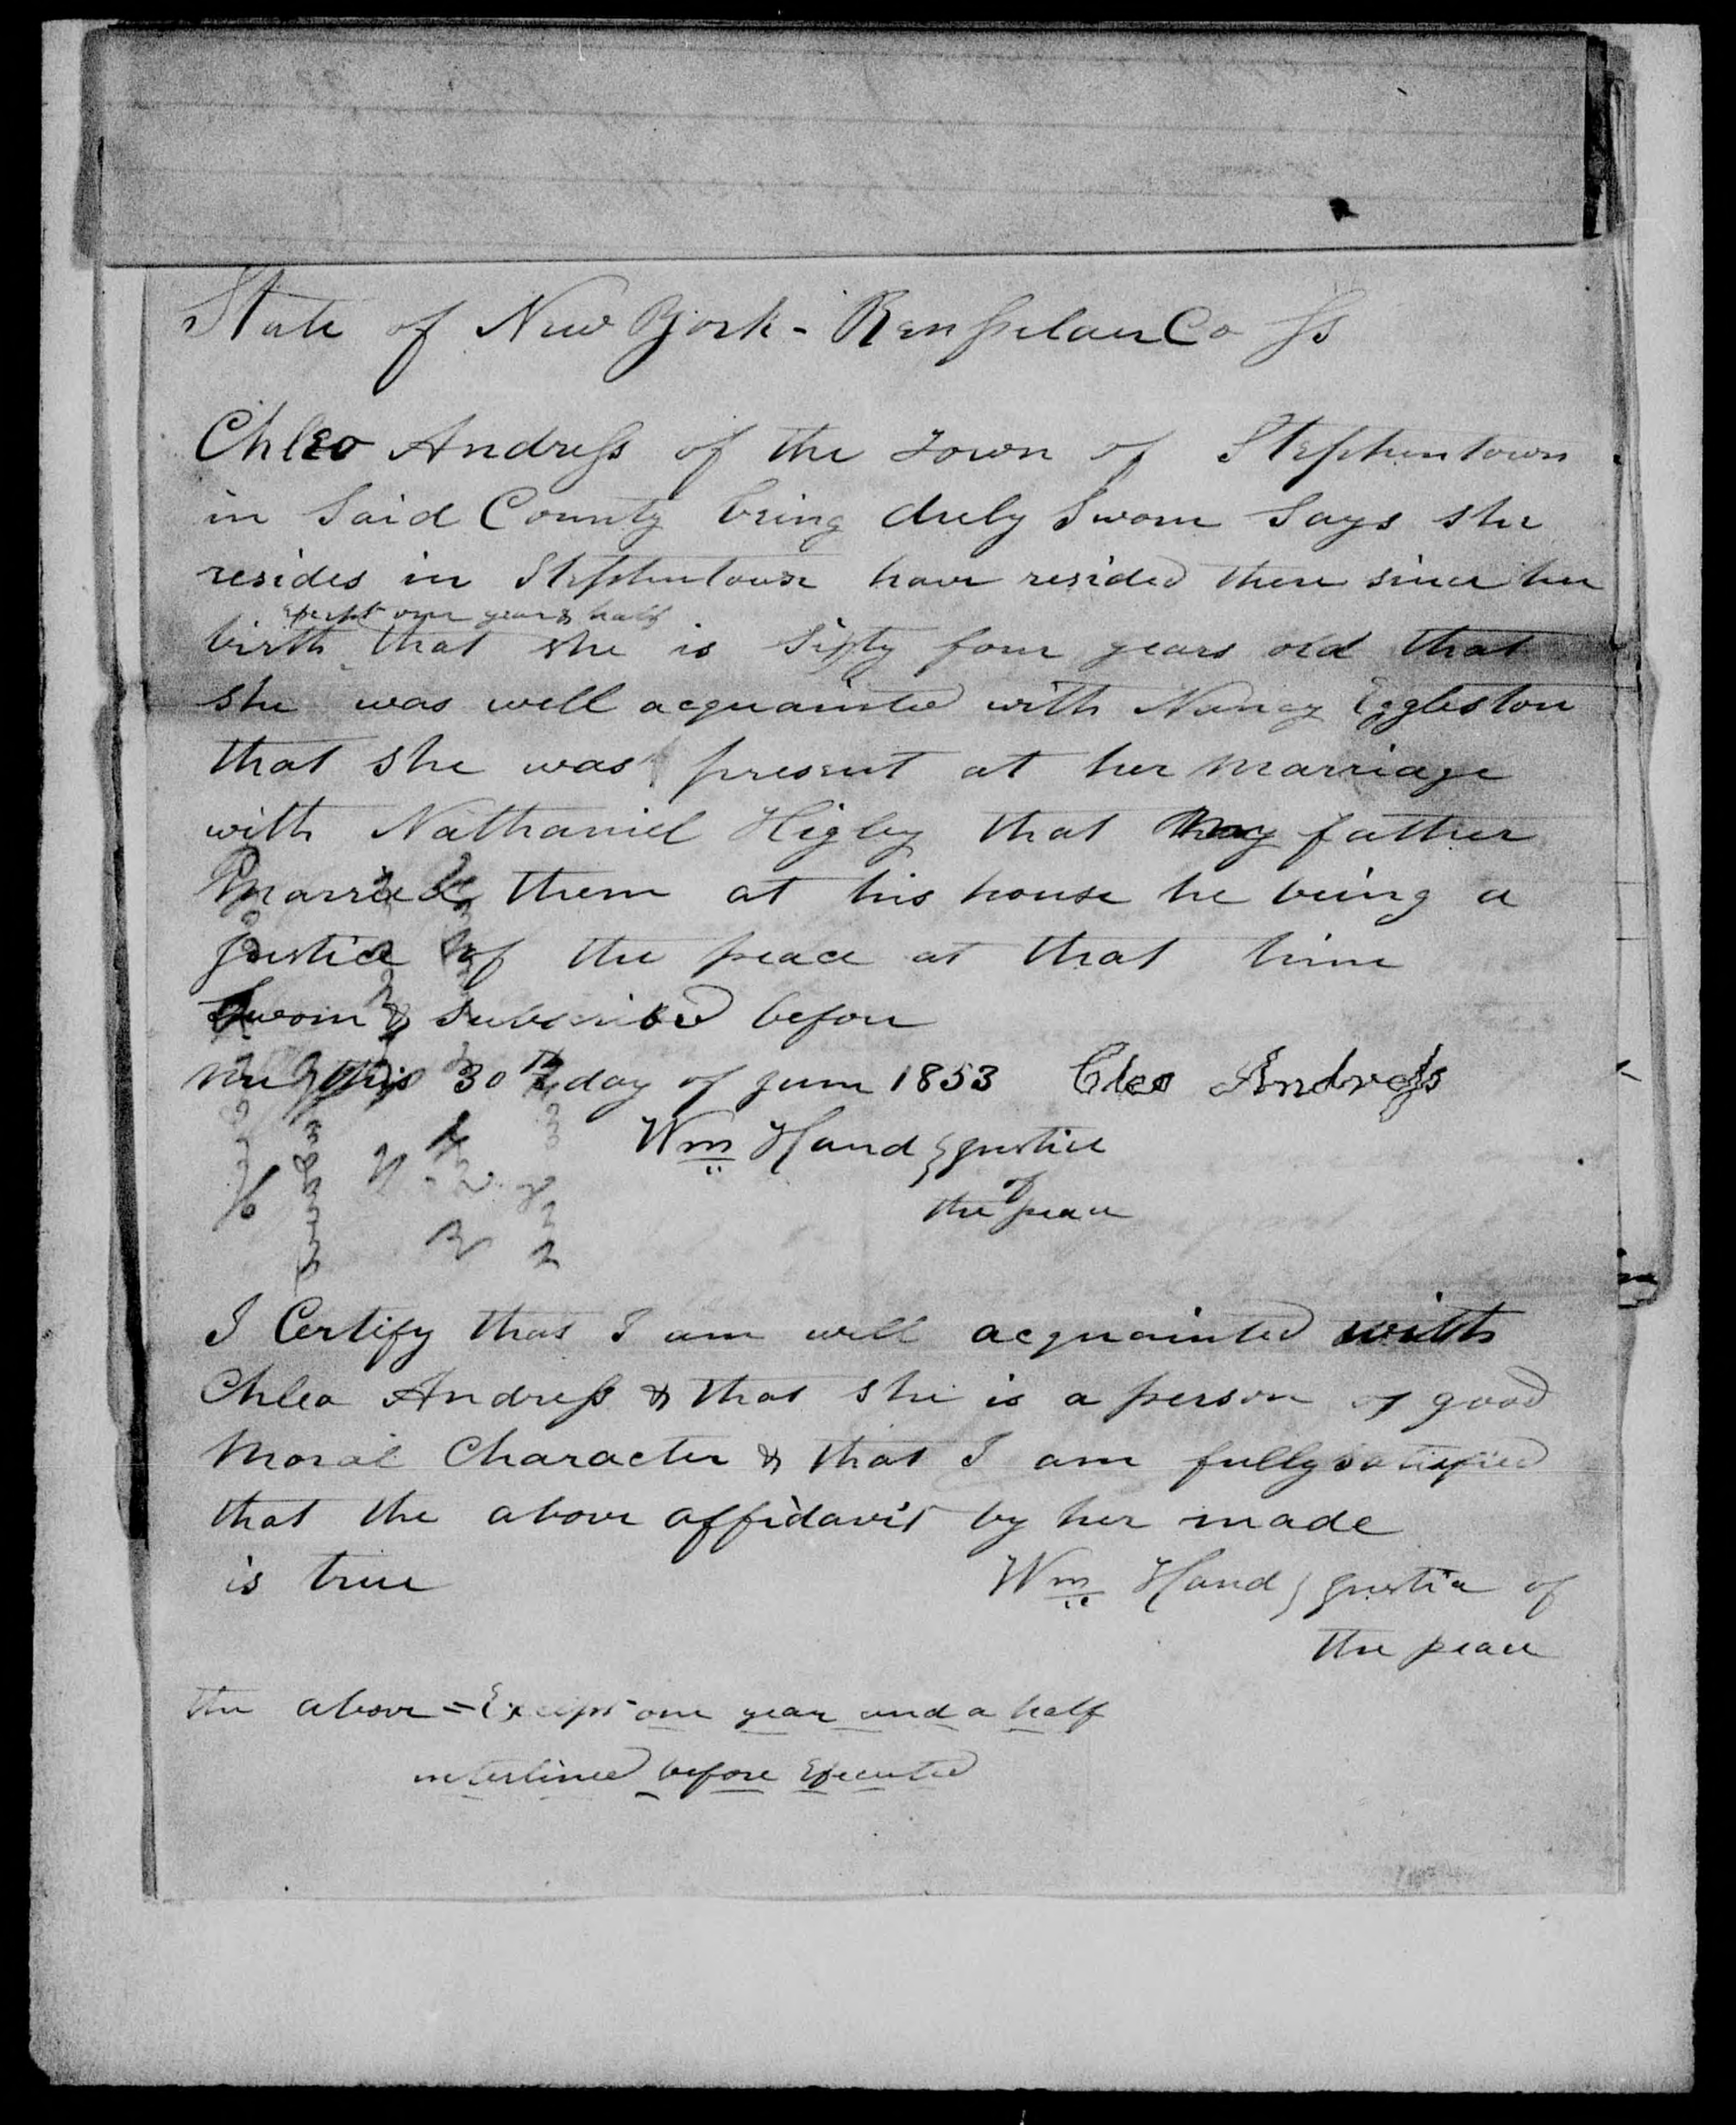State of New York Rensselaer Co.
Chleo Andress of the town of Stephentown in Said County being duly sworn says she resides in Stephentown have resided there since her birth [in margin: except one year & half] that she is sixty four years old that she was well acquainted with Nancy Eggleston that she was present at her marriage with Nathaniel Higley that my father married them at his house he being a justice of the peace at that time  
Cleo Andress
Sworn & subscribed before me this 30th day of June 1853 
Wm Hand, Justice of the Peace
I Certify that I am well acquainted with Chleo Andress & that she is a person of good Moral Character & that I am fully satisfied that the above affidavit by her made is true
Wm Hand, Justice of the Peace
the above "Except one year and a half interlined before executed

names: Cleo Andress, Wm Hand, Chleo Andress, Nancy Eggleston, Chleo Andress, Wm Hand, Nathaniel Higley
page: 7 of 25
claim: rejected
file: R. 4972, Nathaniel Higby, Conn.